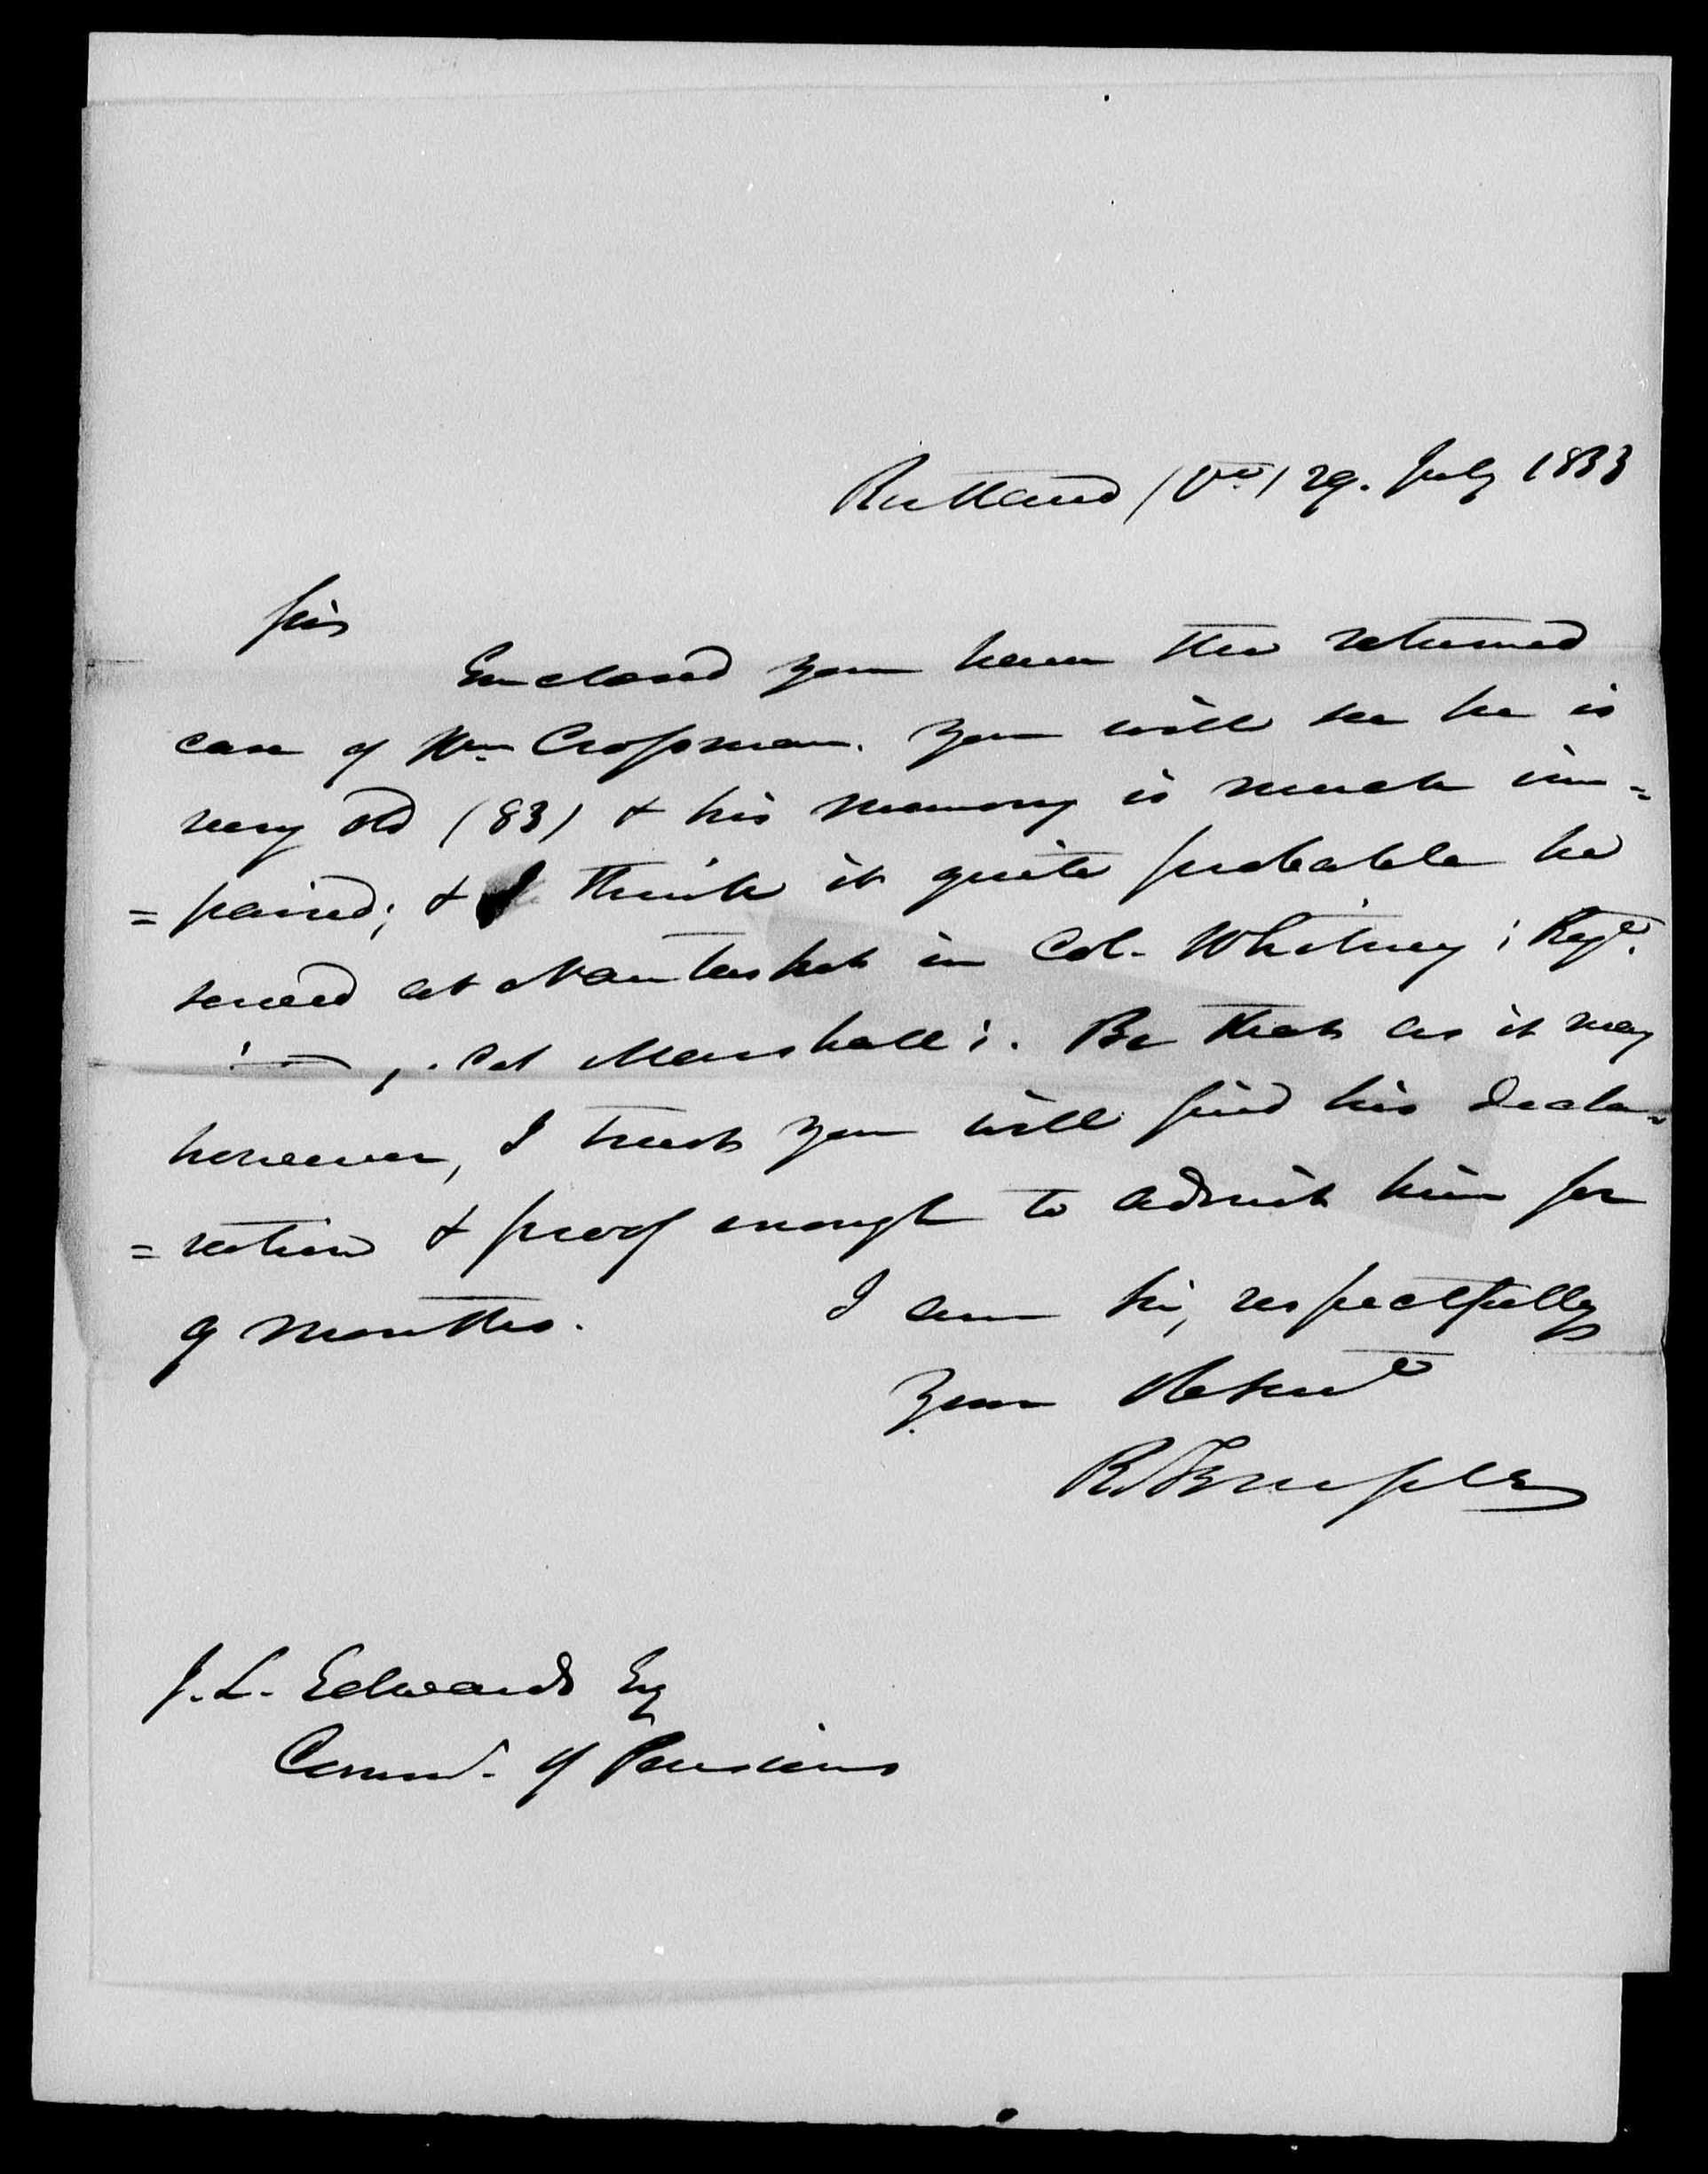[handwritten letter]
Rutland/Vt./29. July 1833

Sirs
Enclosed you have the returned case of Wm. Crossman. You will see he is very old (83) + his memory is much impaired; + I think it quite probable he served at Nantasket in Col. Whitney: Reg't [illegible] Col. Marshall' Be that as it may however, I trust you will find his declaration + proof enough to admit him for 9 months.
I am Sir, respectfully Your Servant
/s/R Temple

J. L. Edwards Esq
Comm'r of Pensions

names: J L Edwards, Wm Crossman, R Temple, Marshall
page: 18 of 33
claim: survivor's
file: S. 12632, William Crossman, Mass. Vt.